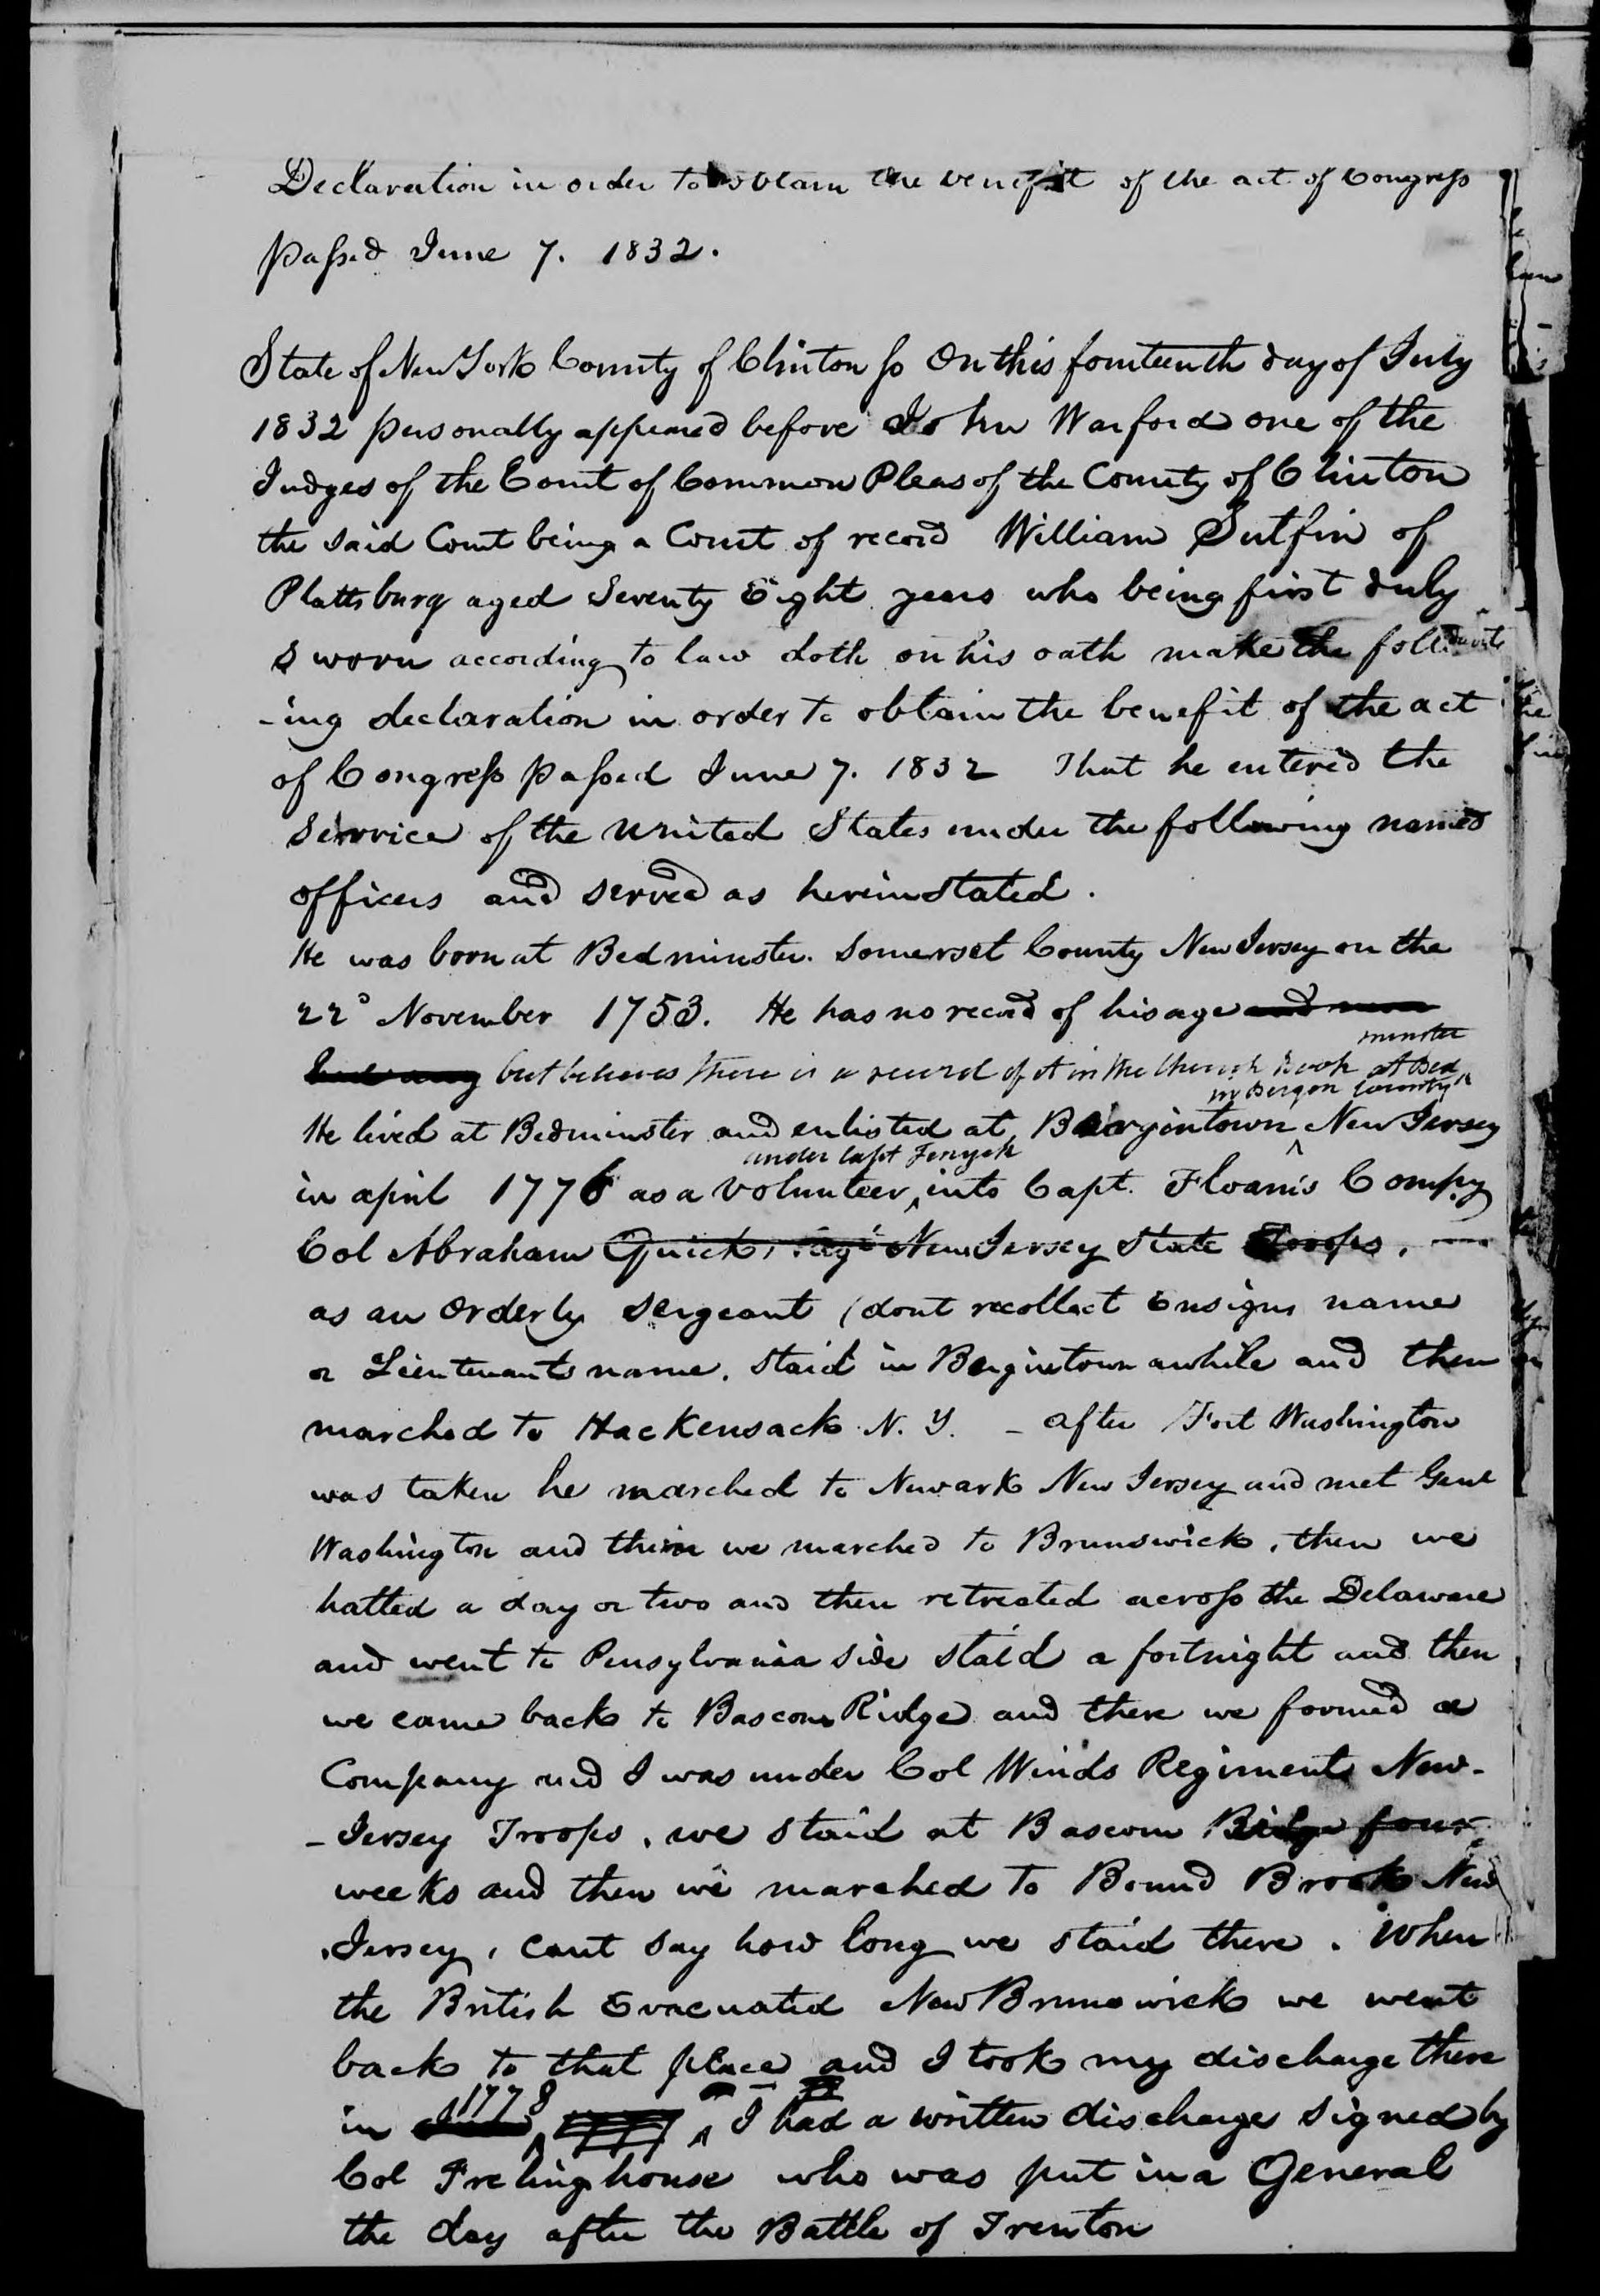Declaration in order to obtain the benefit of the Act of Congress, passed June 7, 1832.

State of New York
County of Clinton//

On this fourteenth day of July 1832, personally appeared before John Warford, one of the Judges of the Court of Common Pleas of the County of Clinton,
the said Court being a Court of record, William Sutfin of Plattsburg, aged Seventy eight years, who being first duly sworn according to law doth on his oath make the following declaration in order to obtain the benefit of the Act of Congress, passed June 7, 1832. That he entered the service of the United States under the following named officers and served as herein stated.

He was born at Bedminster, Somerset County, New Jersey on the 22nd November 1753. He has no record of his age [crossed out: and never had any] but believes there is a record of it in the borough book at Bedminster.

He lived at Bedminster and enlisted at Bergintown, in Bergen County, New Jersey in April 1776 as a volunteer under Capt. Floam's company, Col. Abraham Quick's reg(iment), New Jersey State Troops as an Orderly Sergeant (don't recollect Ensign's name or Lieutenant's name) stayed (sp.) in Bergintown awhile and then marched to Hackensack, N.J. After Fort Washington was taken he marched to Newark, New Jersey and met Gen'l Washington and then we marched to Brunswick, then we halted a day or two and then retreated across the Delaware (River) and went to Pennsylvania side stayed (sp.) a fortnight and then
we came back to Bascom Ridge and there we formed a company and I was under Col. Wind's regiment, New Jersey Troops. We stayed (sp.) at Bascom Ridge four
weeks and then we marched to Bound Brook (sp.), New Jersey. Can't say how long we stayed (sp.) there. When the British evacuated New Brunswick we went
back to that place and I took my discharge then in [crossed out: June 1777] 1778. I had a written discharge signed by Col. Frelinghysen (sp.), who was put in a general the day after the Battle of Trenton...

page: 7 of 11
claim: survivor's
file: S. 14628, for William Sutfin, New Jersey